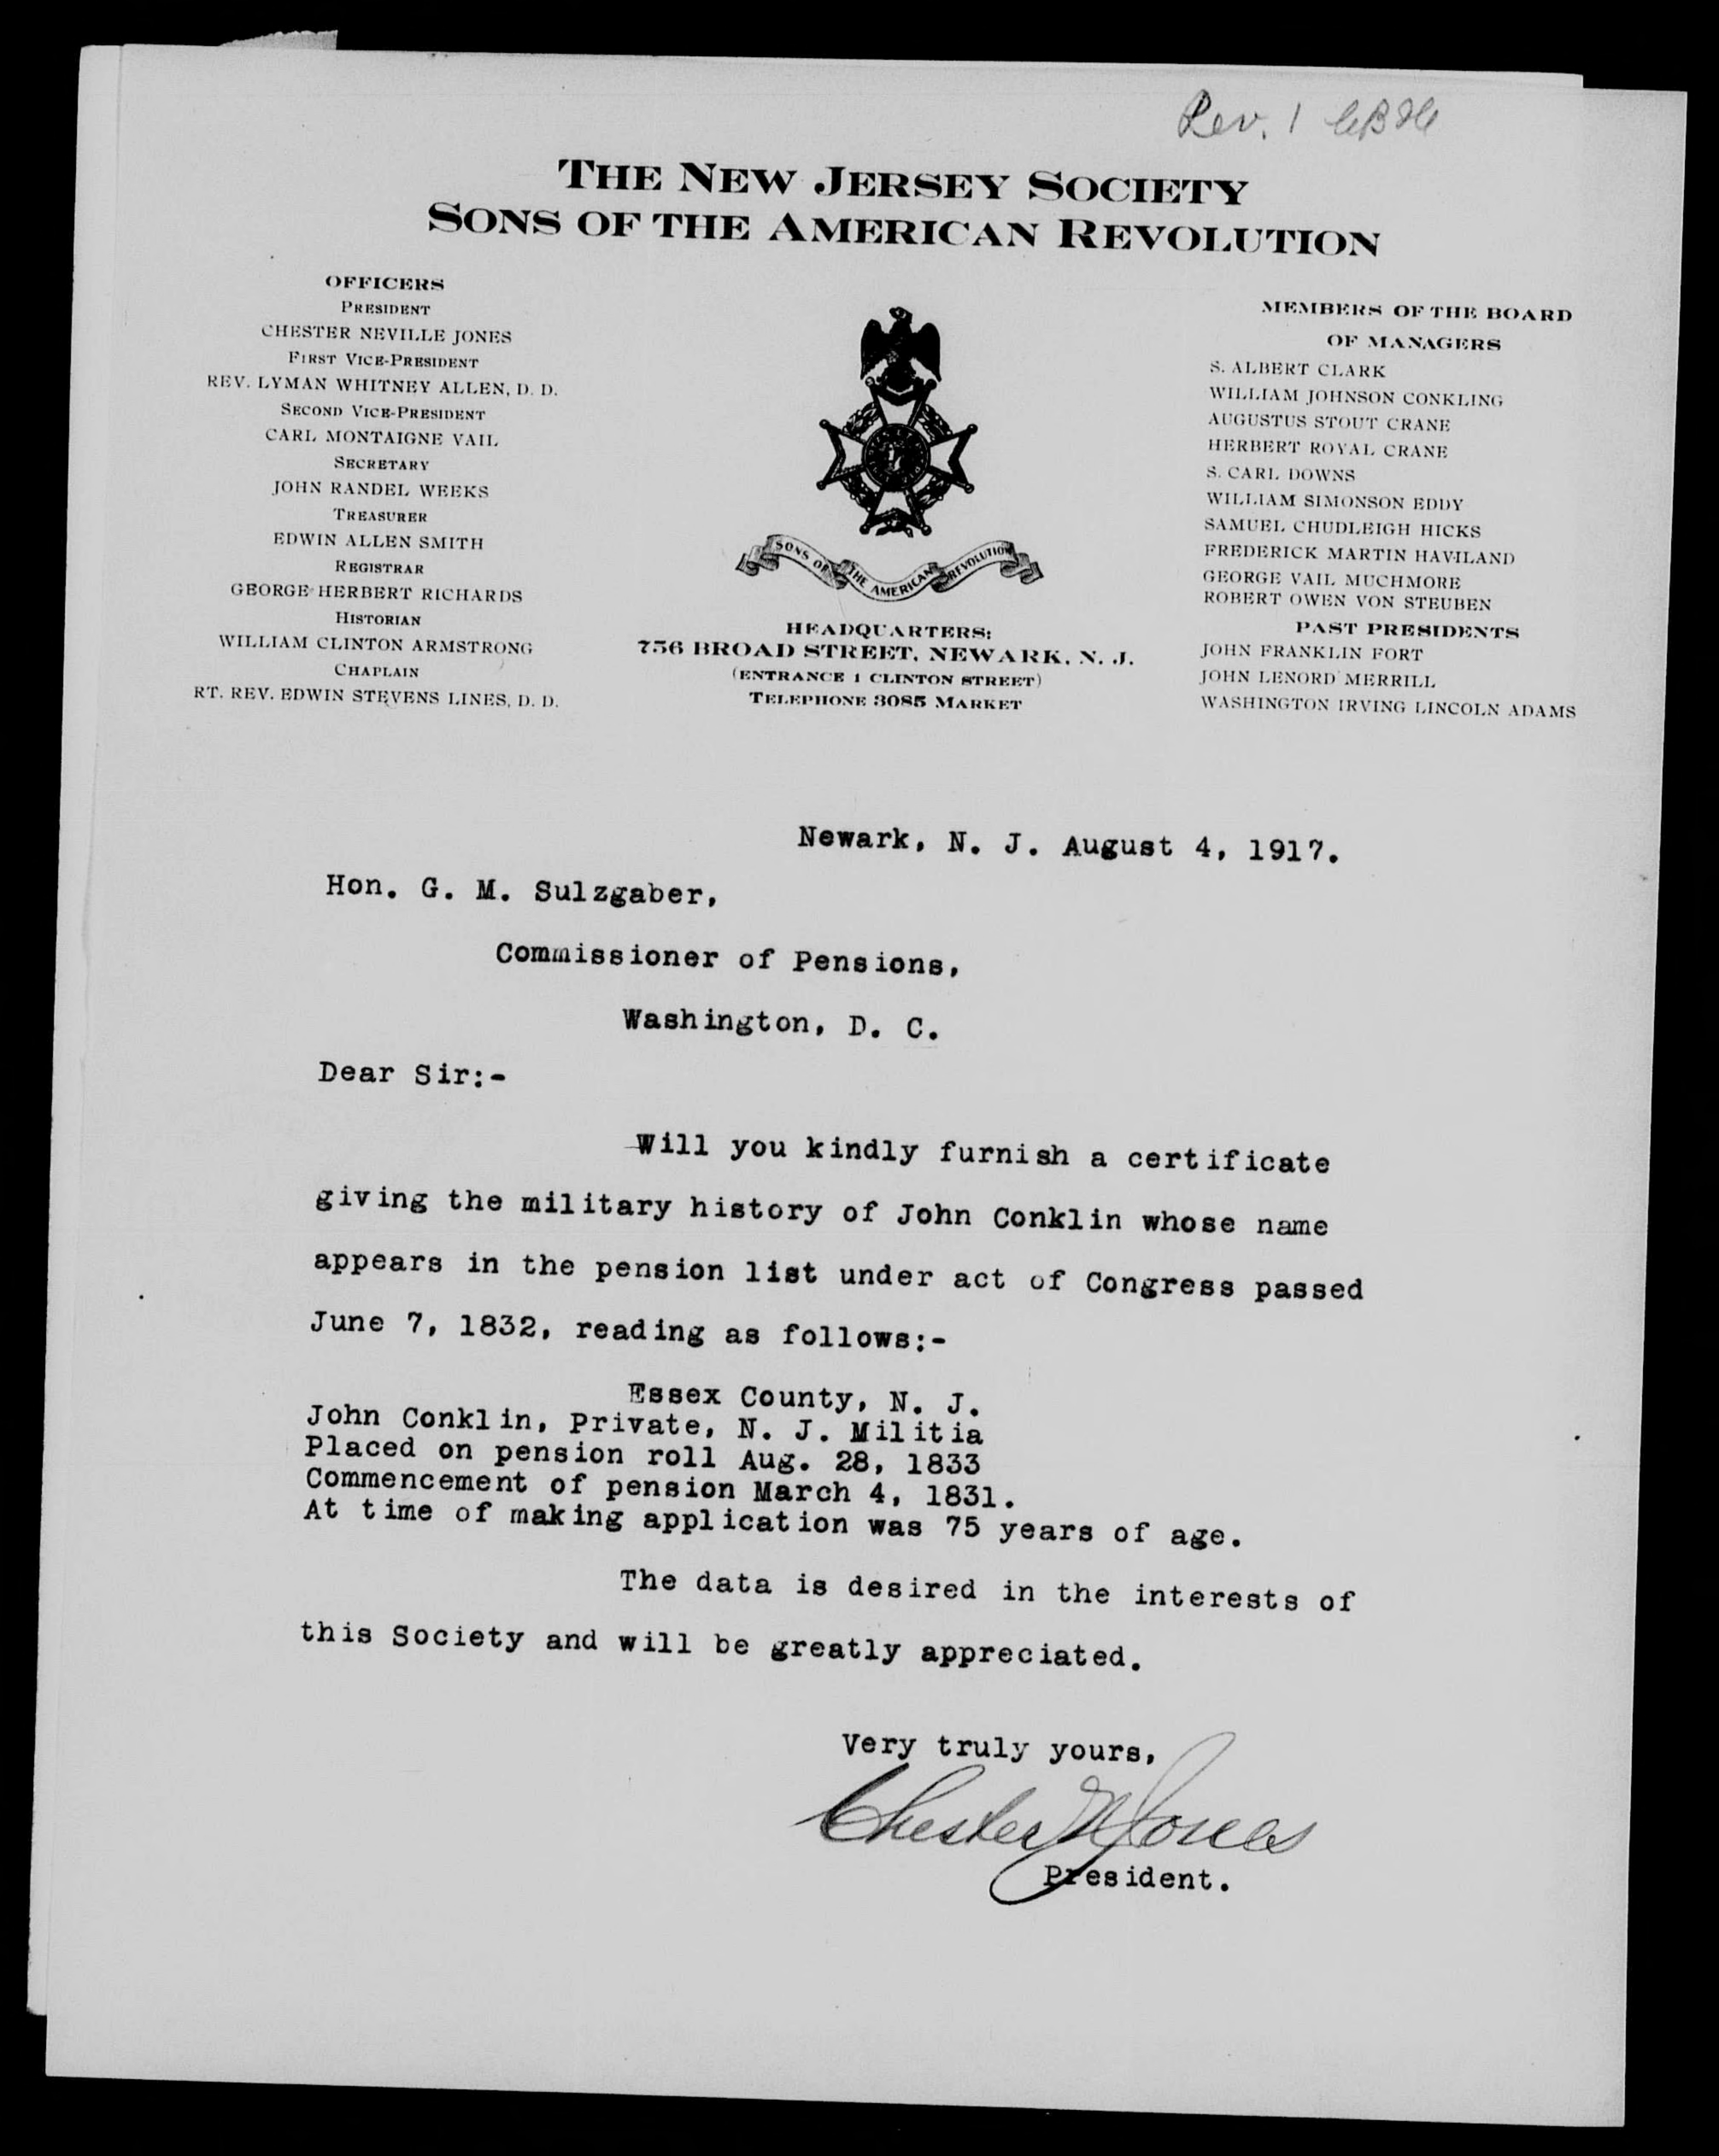Rev. 1 [illegible]
THE NEW JERSEY SOCIETY
SONS OF THE AMERICAN REVOLUTION

OFFICERS
PRESIDENT
CHESTER NEVILLE JONES
FIRST VICE-PRESIDENT
REV LYMAN WHITNEY ALLEN, D. D.
SECOND VICE-PRESIDENT
CARL MONTAIGNE VAIL
SECRETARY
JOHN RANDEL WEEKS
TREASURER
EDWIN ALLEN SMITH
REGISTRAR
GEORGE HERBERT RICHARDS
HISTORIAN
WILLIAM CLINTON ARMSTRONG
CHAPLAIN
RT. REV. EDWIN STEVENS LINES, D. D.

HEADQUARTERS:
736 BROAD STREET, NEWARK, N. J.
(ENTRANCE 1 CLINTON STREET)
TELEPHONE 3085 MARKET

MEMBERS OF THE BOARD
OF MANAGERS
S. ALBERT CLARK
WILLIAM JOHNSON CONKLING
AUGUSTUS STOUT CRANE
HERBERT ROYAL CRANE
S. CARL DOWNS
WILLIAM SIMONSON EDDY
SAMUEL CHUDLEIGH HICKS
FREDERICK MARTIN HAVILAND
GEORGE VAIL MUCHMORE
ROBERT OWEN VON STEUBEN
PAST PRESIDENTS
JOHN FRANKLIN FORT
JOHN LENORD MERRILL
WASHINGTON IRVING LINCOLN ADAMS

Newark, N. J. August 4, 1917,
Hon. G. M. Sulzgaber,
Commissioner of Pensions,
Washington, D. C.
Dear Sir:-
Will you kindly furnish a certificate
giving the military history of John Conklin whose name
appears in the pension list under act of Congress passed
June 7, 1832, reading as follows:
Essex County, N. J.
John Conklin, Private, N. J. Militia
placed on pension roll Aug. 28, 1833
commencement of pension March 4, 1831.
At time of making application was 75 years of age.
The data is desired in the interests of
this Society and will be greatly appreciated.
Very truly yours,
Chester Mores
President.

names: John Franklin Fort, Carl Montaigne Vail, John Randel Weeks, Lincoln Adams, Washington Irving, John Lenord Merrill, William Clinton Armstrong, Samuel Chudleigh Hicks, William Johnson Conkling, George Herbert Richards, Lyman Whitney Allen, Chester N Jones, Edwin Stevens, William Simonson Eddy, John Conklin, G M Sulzgaber, S Albert Clark, Augustus Stout Crane, George Vail Muchmore, Chester Neville Jones, S Carl Downs, John Conklin, Herbert Royal Crane, Frederick Martin Haviland, Robert Owen Von Steuben, Edwin Allen Smith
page: 17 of 28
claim: survivor's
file: S 2464, John Conklin, New Jersey